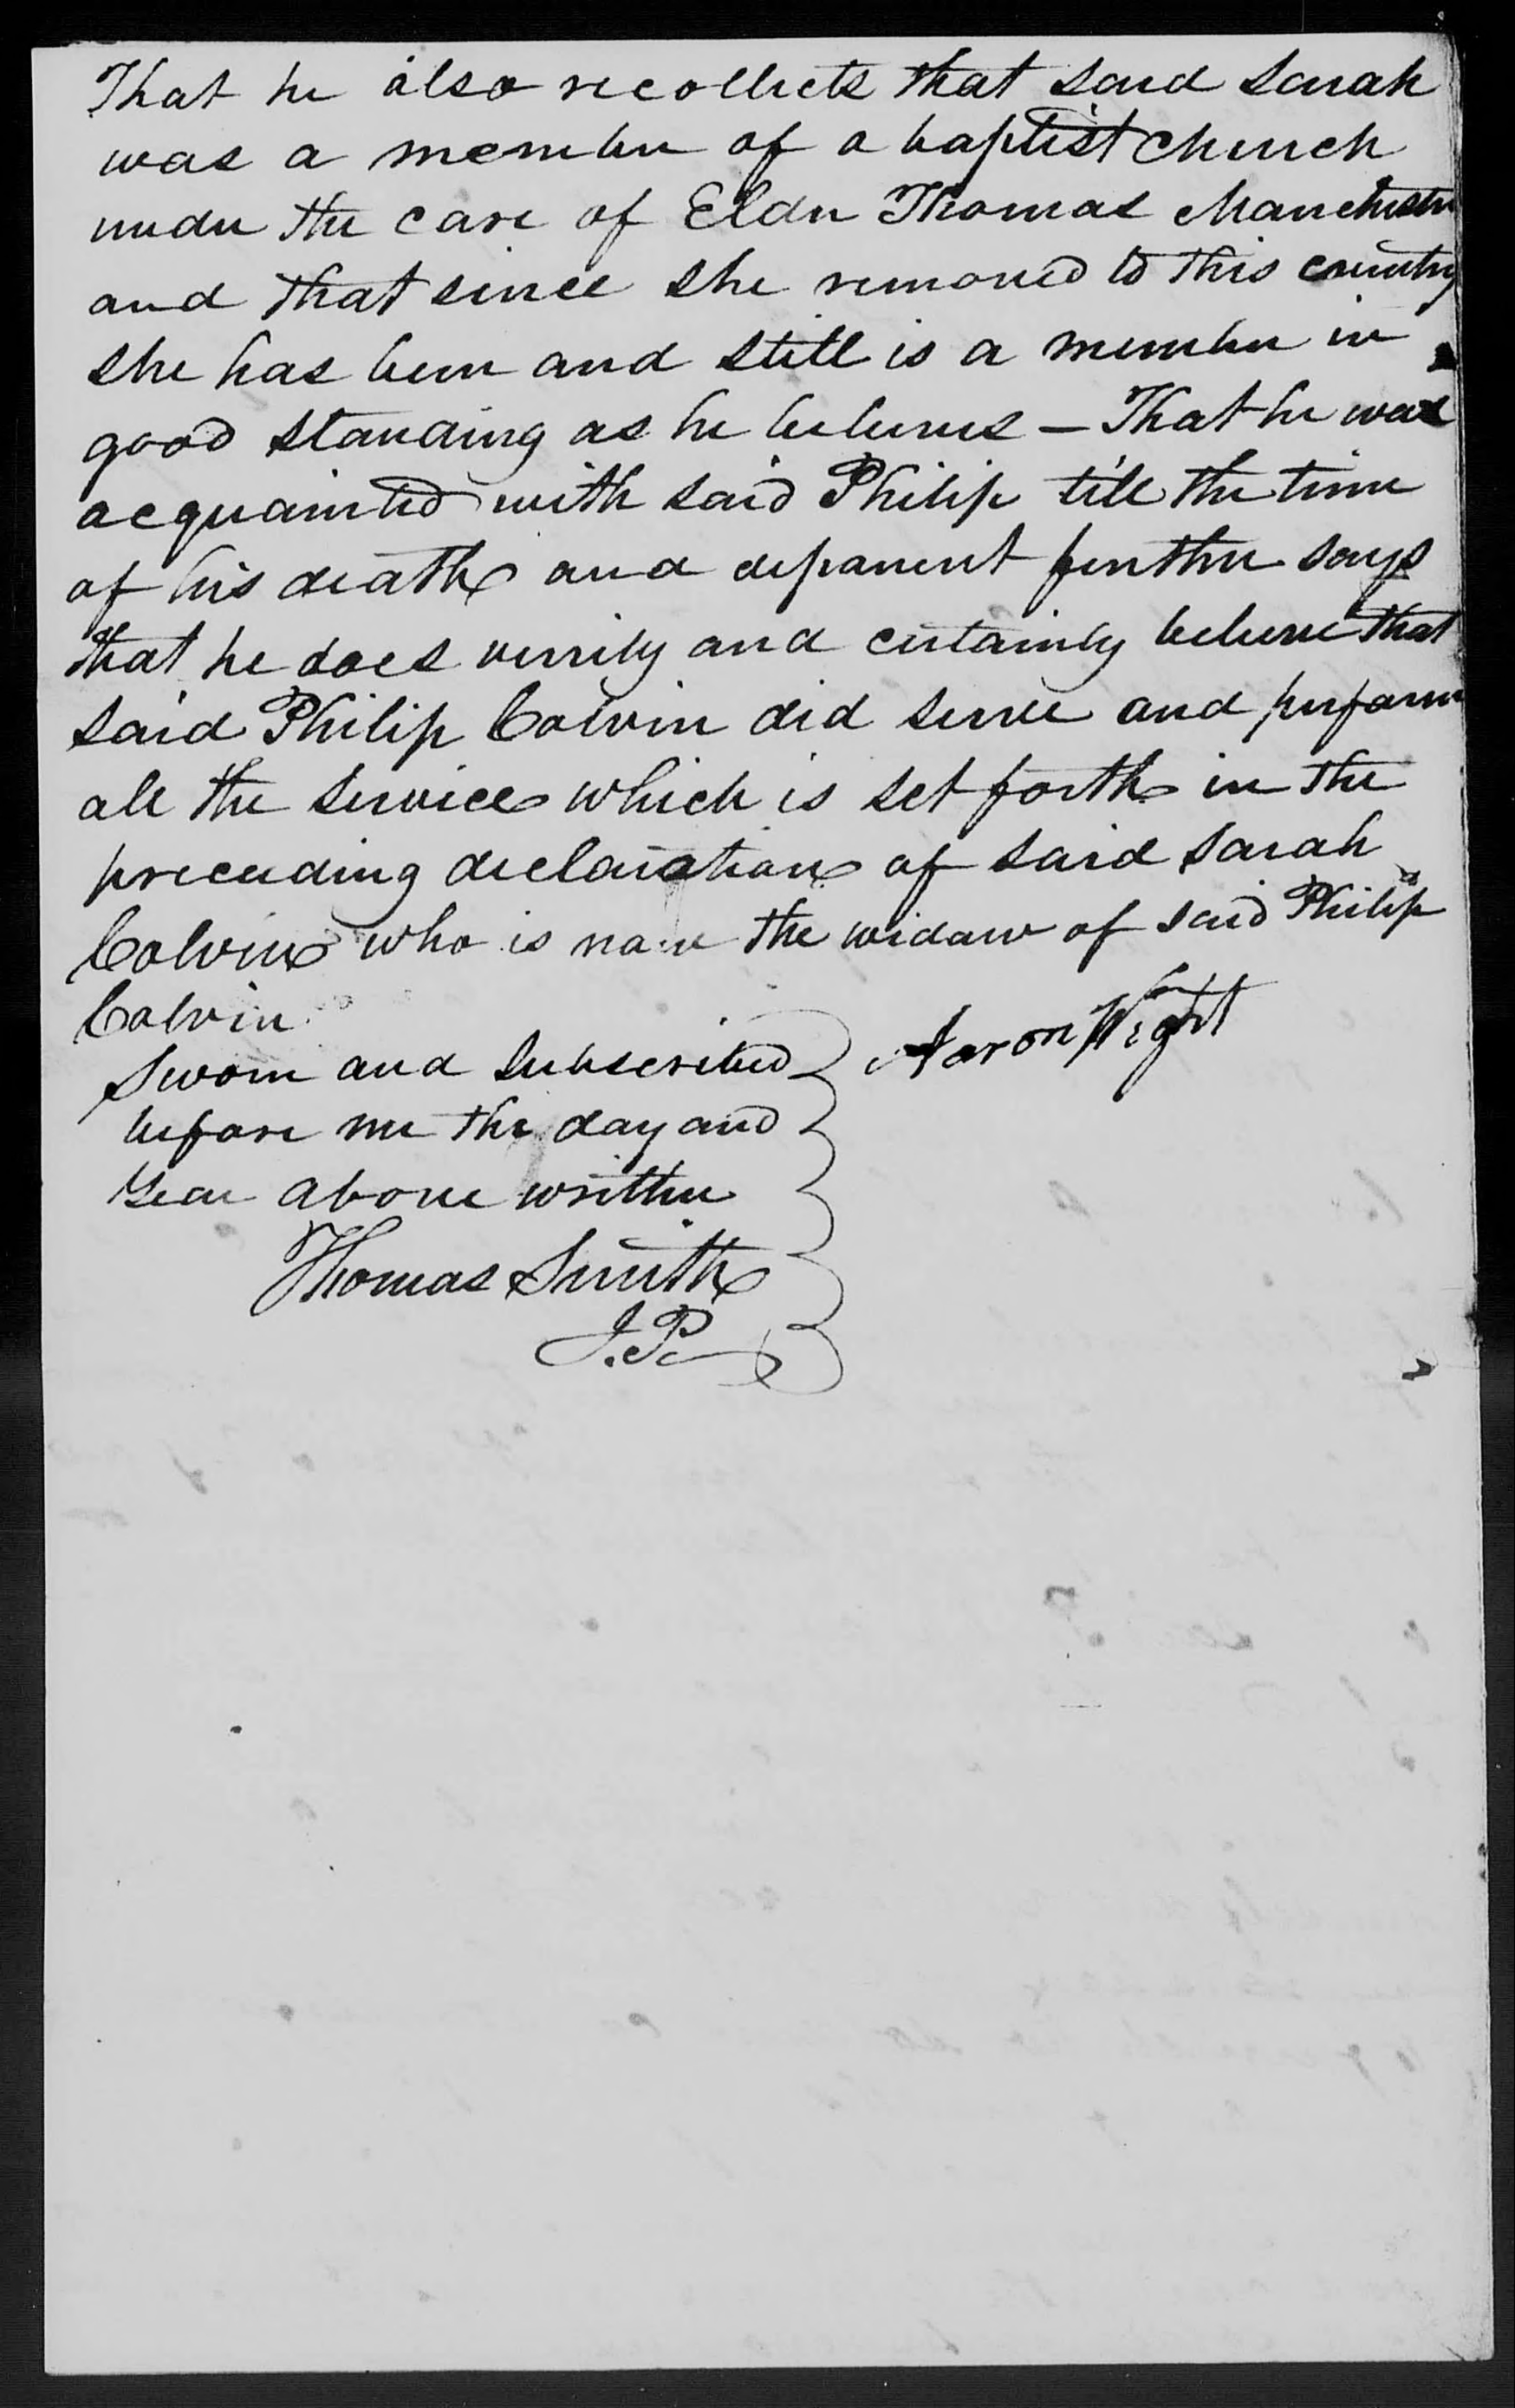That he also recollects that said Sarah was a member of a baptist church under the care of Elan Thomas Manchester and that since she removed to this country she has been and still is a member in good standing as he believes. That he was acquainted with said Philip till the time of his death and deponent further says that he does verrily and certainly believe that said Philip Colvin did serve and perform all the service which is set forth in the preceeding declaration of said Sarah Colvin who is name the widow of said Philip Colvin.
Aaron Wight

Sworn and subscribed before me the da and year above written.
Thomas Smith J.P.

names: Thomas Manchester, Philip Colvin, Thomas Smith, Aaron Wight, Philip Colvin, Sarah Colvin, Sarah, Philip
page: 12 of 41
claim: widow's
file: W. 3513, Philip Colvin, R.I.